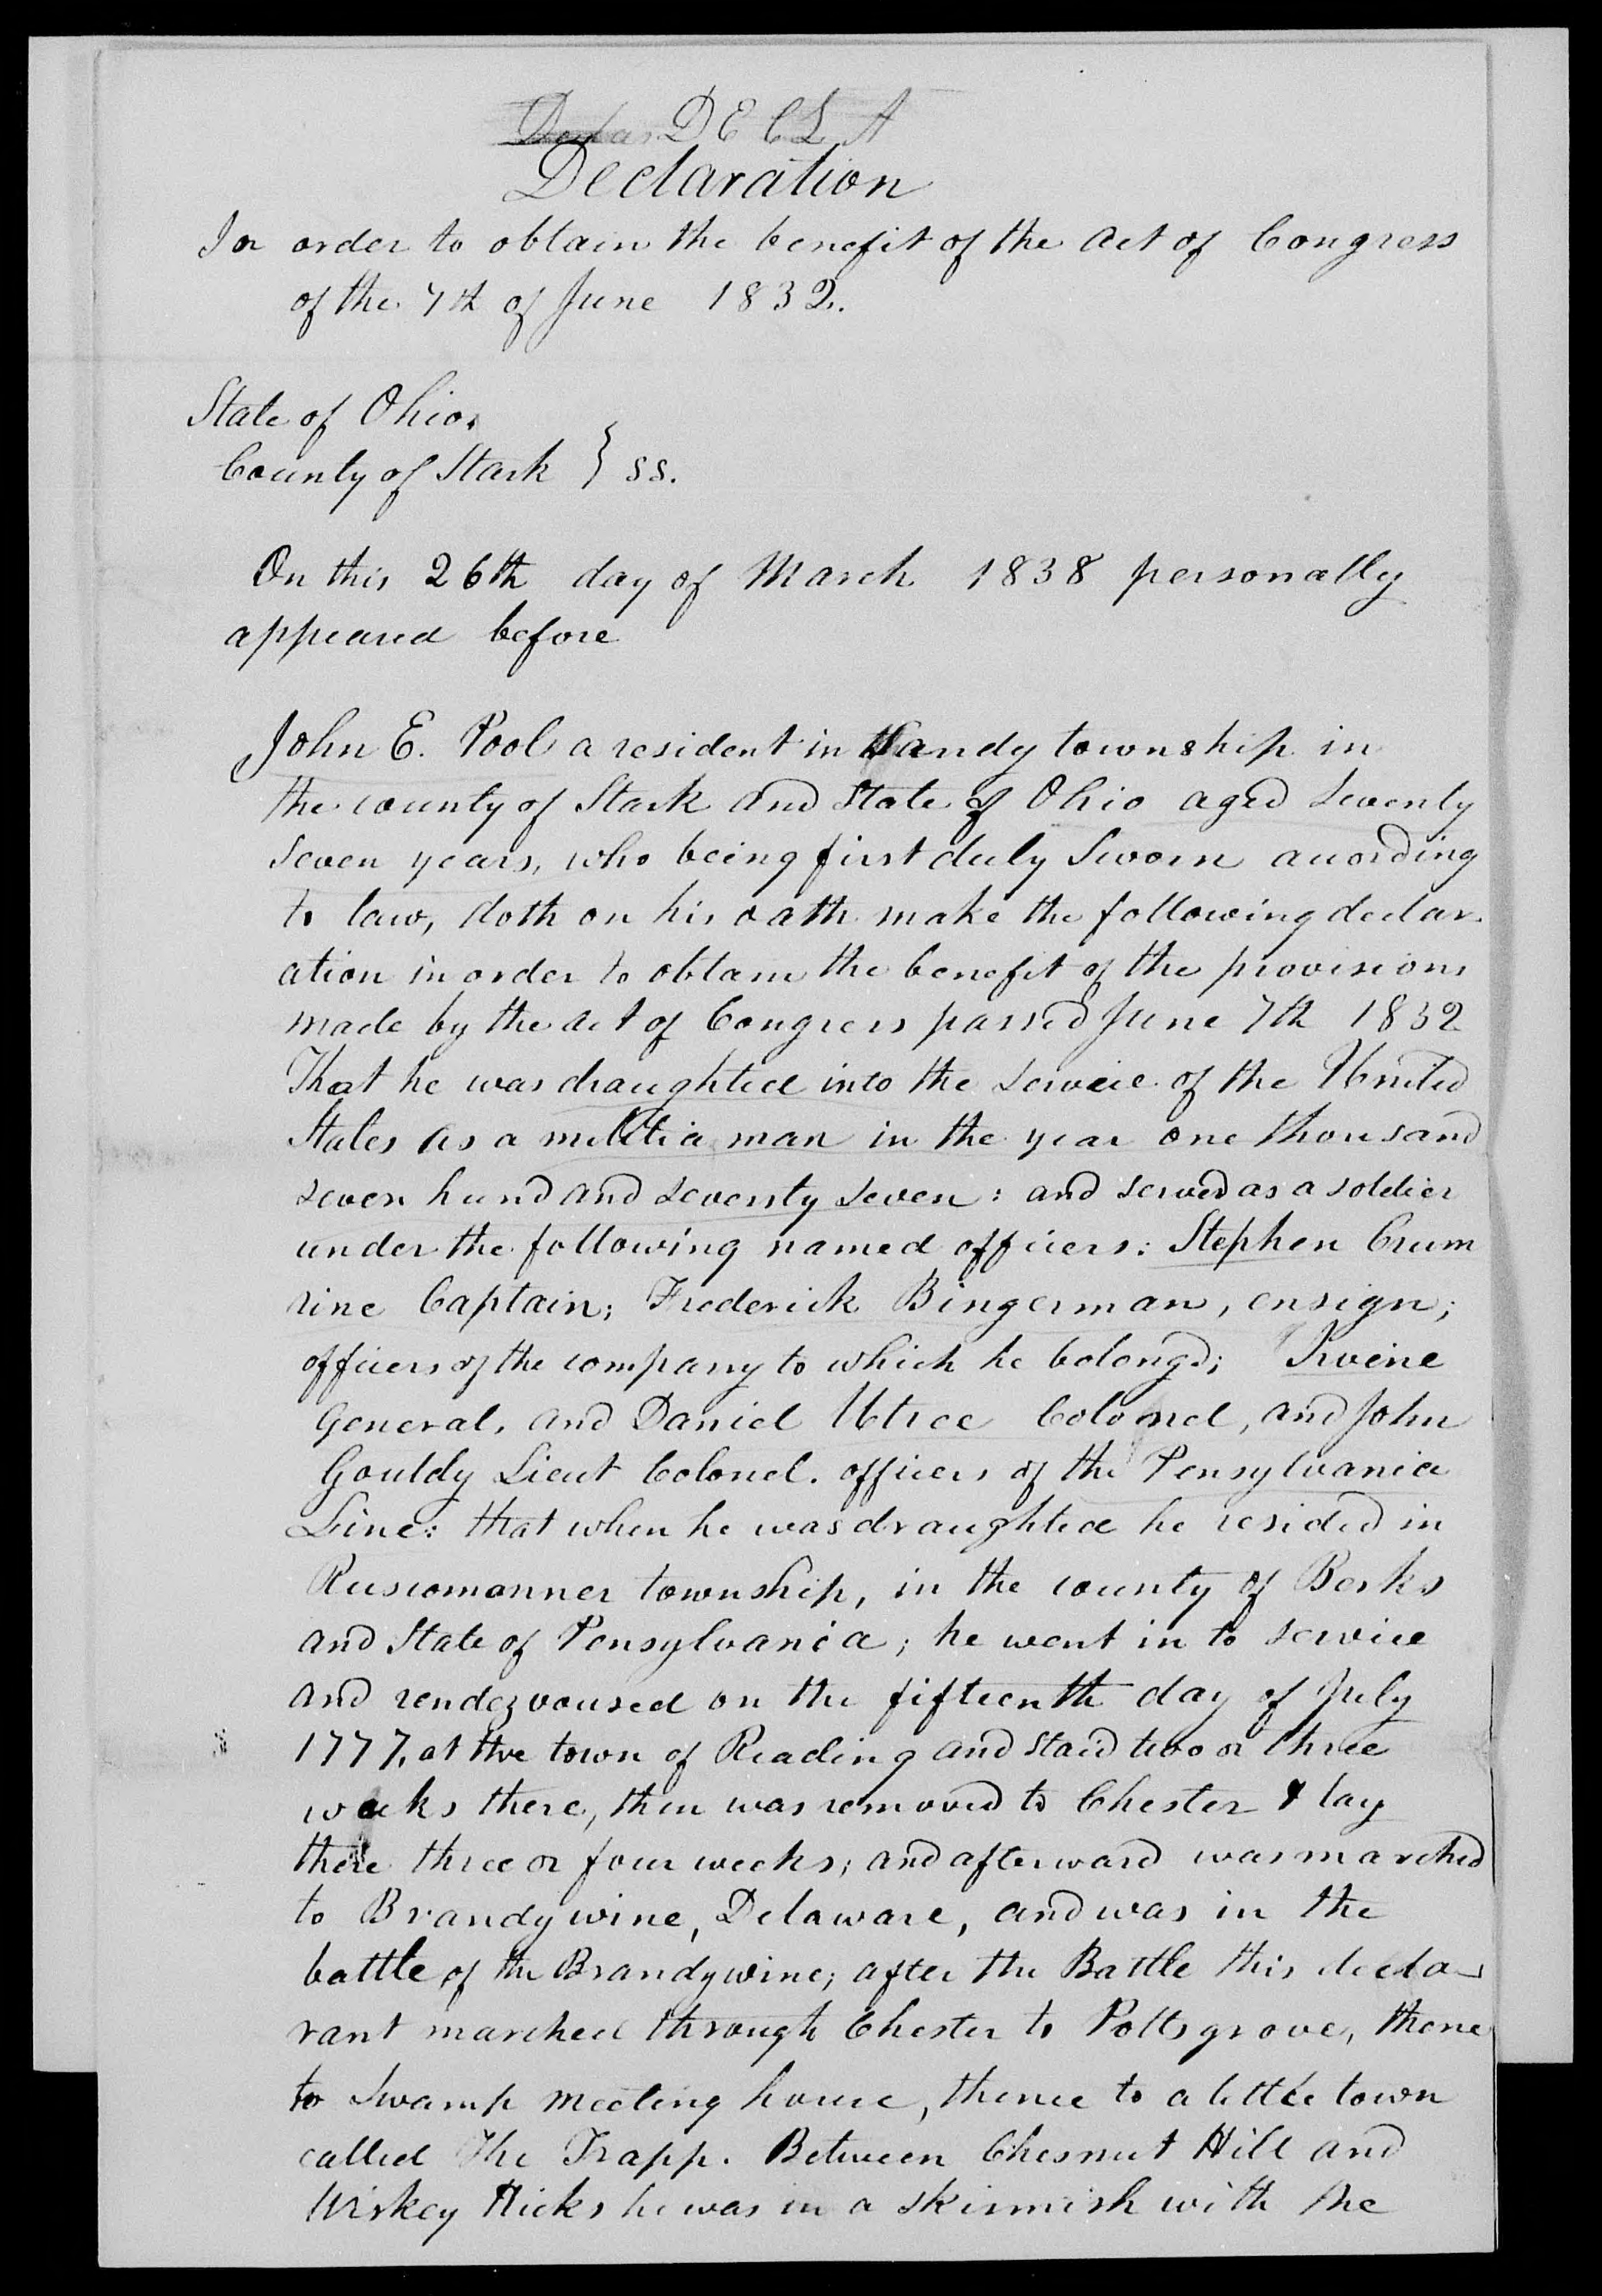Dorlan D E C L. A

Declaration
In order to obtain the benefit of the Act of Congress of the 7th of June 1832.

State of Ohio
County of Stark}S.S.

On this 26th day of March 1838 personally appeared before

John E. Pool a resident in Sandy township in the county of Stark and State of Ohio aged Seventy Seven years, who being first duly Sworn according to law, doth on his oath make the following declaration in order to obtain the benefit of the provisions made by the Act of Congress passed June 7th 1832.  That he was draughted into the Service of the United States as a Militia man in the year one thousand seven hundred and Seventy Seven: and served as a soldier under the following named officers:  Stephen Crumrine Captain; Frederick Bingerman, Ensign; officers of the company to which he belonged; Irvine General, and Daniel Utree Colonel, and John Gouldy Lieut Colonel officers of the Pennsylvania Line: that when he was draughted he resided in Ruscombmanor township, in the county of Berks and State of Pennsylvania; he went in to service and rendezvoused on the fifteenth day of July 1777, at the town of Reading and staid two or three weeks there, then was removed to Chester and lay there three or four weeks; and afterward was marched to Brandywine, Delaware, and was in the Battle of the Brandywine; after the Battle this Declarant marched through Chester to Pottsgrove, there to Swamp meeting house, thence to a little town called the Trapp.  between Chestnut Hill and Turkey Hicks he was in a skirmish with the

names: John E Pool; Wiskey Hicks; Stephen Crumrine; Daniel Utree; John Gouldy; Frederick Bingerman; [BLANK] Irvine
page: 3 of 22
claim: rejected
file: R. 8,319, for John Engle Pool, Pennsylvania